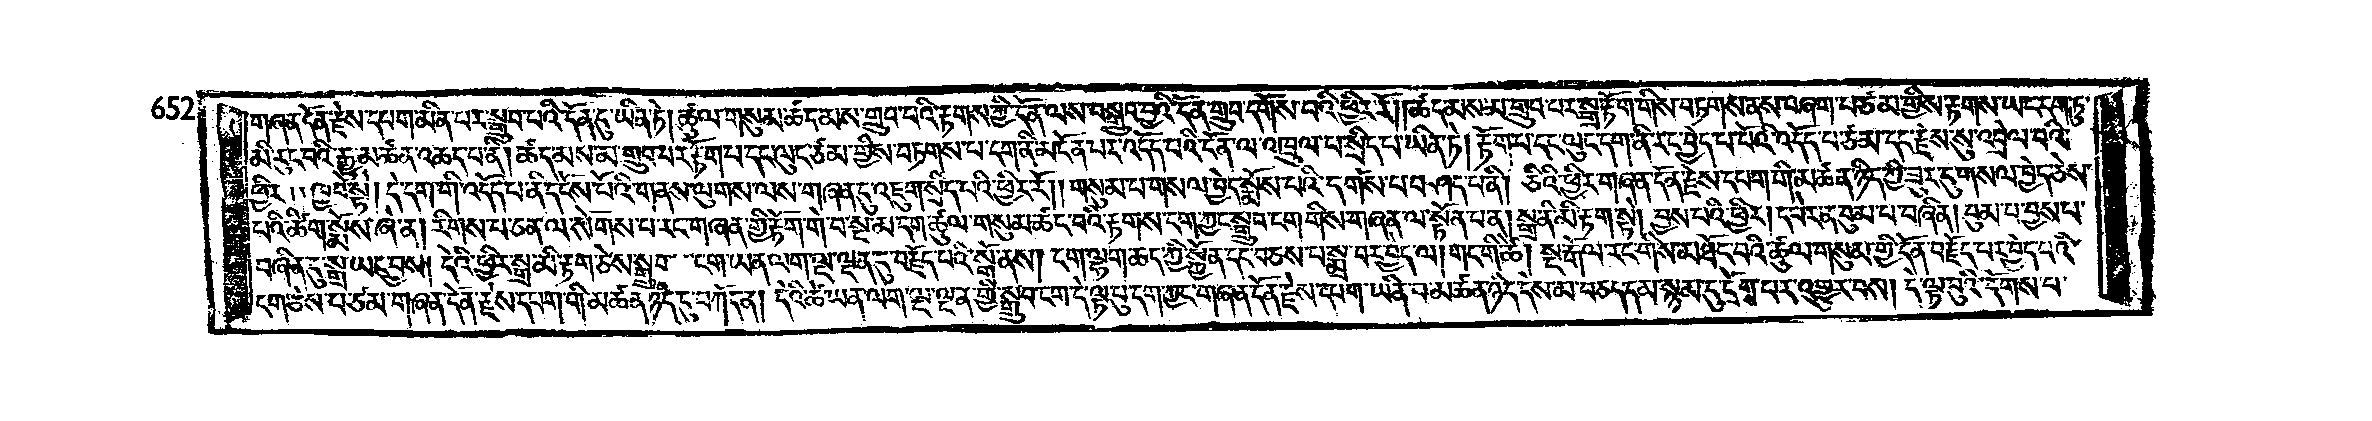གཞན་དོན་རྗེས་དཔག་མིན་པར་སྒྲུབ་པའི་དོན་དུ་ཡིན་ཏེ། ཚུལ་གསུམ་ཚད་མས་གྲུབ་པའི་རྟགས་ཀྱི་དོན་ལས་བསྒྲུབ་བྱའི་དོན་གྲུབ་དགོས་པའི་ཕྱིར་རོ། །ཚད་མས་མ་གྲུབ་པར་སྒྲ་རྟོག་གིས་བཏགས་ནས་བཞག་པ་ཙམ་གྱིས་རྟགས་ཡང་དག་ཏུ་
མི་རུང་བའི་རྒྱུ་མཚན་འཆད་པ་ནི། ཚད་མས་མ་གྲུབ་པར་རྟོག་པ་དང་ལུང་ཙམ་གྱིས་བཏགས་པ་དག་ནི་མངོན་པར་འདོད་པའི་དོན་ལ་འཁྲུལ་བ་སྲིད་པ་ཡིན་ཏེ། རྟོག་པ་དང་ལུང་དག་ནི་རང་བྱེད་པ་པོའི་འདོད་པ་ཙམ་དང་རྗེས་སུ་འབྲེལ་བའི་
ཕྱིར། །ཁྱབ་སྟེ། དེ་དག་གི་འདོད་པ་ནི་དངོས་པོའི་གནས་ལུགས་ལས་གཞན་དུ་འཇུག་སྲིད་པའི་ཕྱིར་རོ། །གསུམ་པ་གསལ་བྱེད་སྨོས་པའི་དགོས་པ་བཤད་པ་ནི། ཅིའི་ཕྱིར་གཞན་དོན་རྗེས་དཔག་གི་མཚན་ཉིད་ཀྱི་ཟུར་དུ་གསལ་བྱེད་ཅེས་
པའི་ཚིག་སྨོས་ཞེ་ན། རིགས་པ་ཅན་ལ་སོགས་པ་རང་གཞན་གྱི་རྟོག་གེ་བ་སྔ་མ་དག་ཚུལ་གསུམ་ཚང་བའི་རྟགས་དག་ཀྱང་སྒྲུབ་ངག་གིས་གཞན་ལ་སྟོན་པ་ན། སྒྲ་ནི་མི་རྟག་སྟེ། བྱས་པའི་ཕྱིར། དཔེར་ན་བུམ་པ་བཞིན། བུམ་པ་བྱས་པ་
བཞིན་དུ་སྒྲ་ཡང་བྱས། དེའི་ཕྱིར་སྒྲ་མི་རྟག་ཅེས་སྒྲུབ་ངག་ཡན་ལག་ལྔ་ལྡན་དུ་བརྗོད་པའི་སྒོ་ནས། ངག་ལྷག་ཆད་ཀྱི་སྐྱོན་དང་བཅས་པ་སྨྲ་བར་བྱེད་ལ། གང་གི་ཚེ། སྔ་རྒོལ་རང་གིས་མཐོང་བའི་ཚུལ་གསུམ་གྱི་དོན་བརྗོད་པར་བྱེད་པའི་
དག་ཅེས་པ་ཙམ་གཞན་དོན་རྗེས་དཔག་གི་མཚན་ཉིད་དུ་བཀོད་ན། དེའི་ཚེ་ཡན་ལག་ལྔ་ལྡན་གྱི་སྒྲུབ་ངག་དེ་ལྟ་བུ་དག་ཀྱང་གཞན་དོན་རྗེས་དཔག་ཡིན་པ་མཚན་ཉིད་དེས་མ་བཅད་དམ་སྙམ་དུ་དོགས་པར་འགྱུར་བས། དེ་ལྟ་བུའི་དོགས་པ་